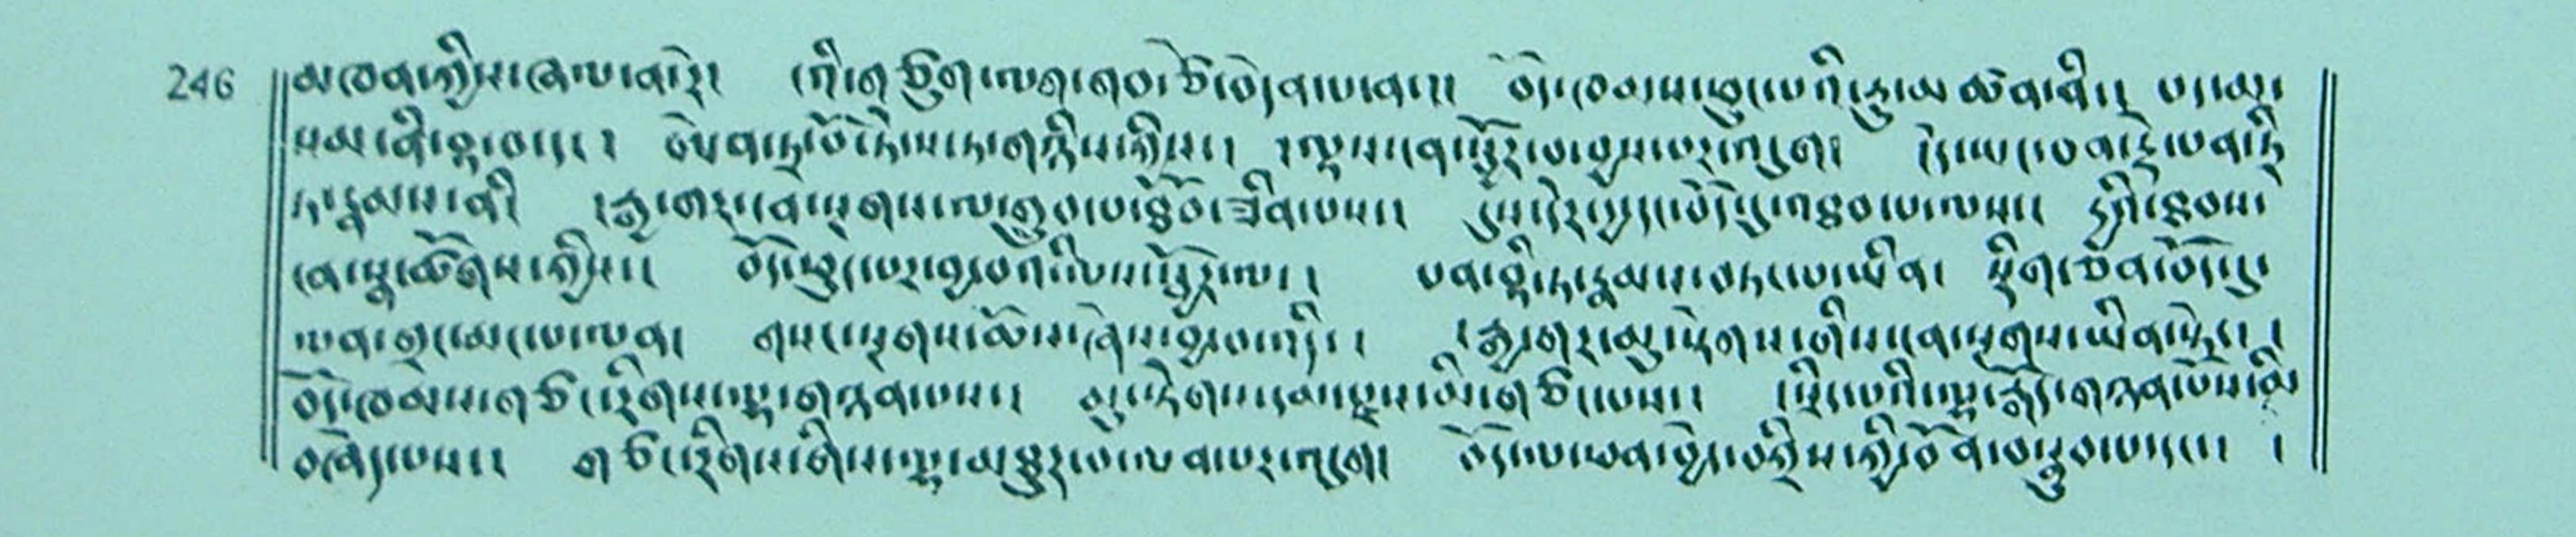མཁན་གྱི་ཞལ་ན་རེ། ངའི་གཙུག་ལག་གབ་ཙེ་བདེན་པ་ན། བོད་ཁམས་ཕུང་པའི་རྒྱུ་མཚན་ནི། པད་མ་
སམ་ནི་བྷ་བ་དང་། ཨེན་ཏྲ་བོ་ཏེ་ས་ཏ་གཉིས་ཀྱིས། ལྟས་ངན་སྦྱོར་བ་བྱས་པར་འདུག དེ་ཡང་བན་བྷེ་པན་ཏྲི་
ཏ་རྣམས་ནི། རྒྱ་གར་ངན་སྔགས་ལ་གྲུབ་པ་ཐོབ་ཟིན་པས། དུས་དེར་རྒྱ་དང་བོད་དུ་འཐབ་པ་ལས། རྒྱ་ཡི་ཐབས་
ངན་སྣ་ཚོགས་ཀྱིས། བོད་ཕུང་པར་བྱ་བའི་ལས་སྦྱོར་ལ། པན་ཏྲི་ཏ་རྣམས་བཏང་བ་ཡིན། སྡིག་ཅན་བོད་དུ་
ལན་གྲངས་མང་པ་ལན། གསང་སྔགས་ཆོས་ཞེས་བྱ་བ་འདི། རྒྱ་གར་མུ་སྟེགས་ཀྱིས་ངན་སྔགས་ཡིན་ཏེ། 
བོད་ཁམས་གཙང་རིགས་ལྷ་གཉན་པས། མུ་སྟེགས་དམ་རྫས་མི་གཙང་པས། སྲིད་པའི་ལྷ་རྒོད་གཉན་པོས་མི་
བཞེད་པས། གཙང་རིགས་ཀྱི་ལྷ་མཐུར་བས་ལན་པར་འདུག བོད་ལ་ཕན་བྱེད་བཀྲ་ཤིས་ཀྱི་བོན་བསྣུབ་པ་དང་།